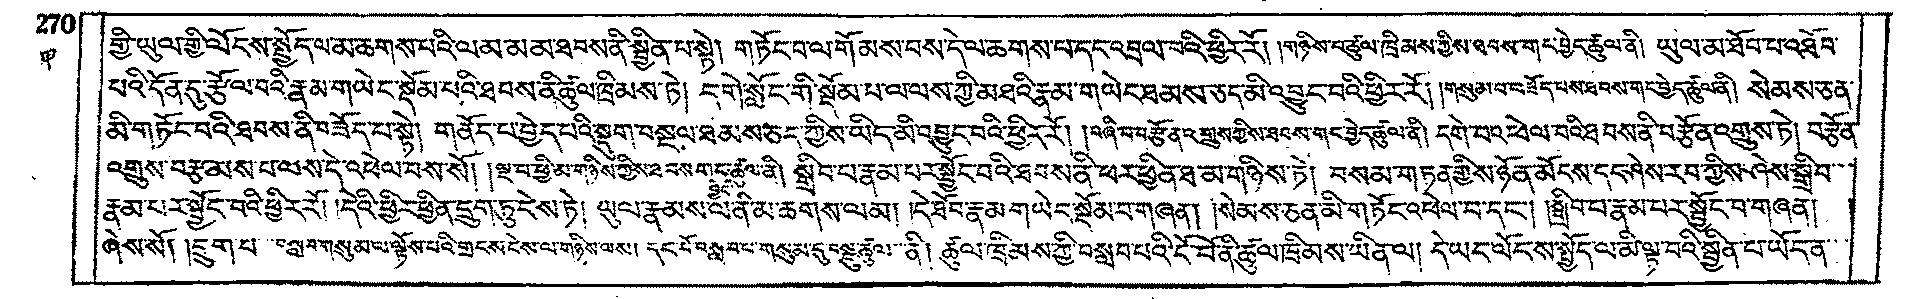གྱི་ཡུལ་གྱི་ལོངས་སྤྱོད་ལ་མ་ཆགས་པའི་ལམ་མམ་ཐབས་ནི་སྦྱིན་པ་སྟེ། གཏོང་བ་ལ་གོམས་པས་དེ་ལ་ཆགས་པ་དང་འབྲལ་བའི་ཕྱིར་རོ། །གཉིས་པ་ཚུལ་ཁྲིམས་ཀྱིས་ཐབས་གང་བྱེད་ཚུལ་ནི།  ཡུལ་མ་ཐོབ་པ་འཐོབ་
པའི་དོན་དུ་རྩོལ་བའི་རྣམ་གཡེང་སྡོམ་པའི་ཐབས་ནི་ཚུལ་ཁྲིམས་ཏེ། དགེ་སློང་གི་སྡོམ་པ་ལ་ལས་ཀྱི་མཐའི་རྣམ་གཡེང་ཐམས་ཅད་མི་འབྱུང་བའི་ཕྱིར་རོ། །གསུམ་པ་བཟོད་པས་ཐབས་གང་བྱེད་ཚུལ་ནི།  སེམས་ཅན་
མི་གཏོང་བའི་ཐབས་ནི་བཟོད་པ་སྟེ། གནོད་པ་བྱེད་པའི་སྡུག་བསྔལ་ཐམས་ཅད་ཀྱིས་ཡིད་མི་འབྱུང་བའི་ཕྱིར་རོ། །བཞི་པ་བརྩོན་འགྲུས་ཀྱིས་ཐབས་གང་བྱེད་ཚུལ་ནི།  དགེ་བ་འཕེལ་བའི་ཐབས་ནི་བརྩོན་འགྲུས་ཏེ། བརྩོན་
འགྲུས་བརྩམས་པ་ལས་དེ་འཕེལ་བས་སོ། །ལྔ་པ་ཕྱི་མ་གཉིས་ཀྱིས་ཐབས་བྱེད་གང་བྱེད་ཚུལ་ནི་སྒྲིབ་པ་རྣམ་པར་སྦྱོང་བའི་ཐབས་ནི་ཕར་ཕྱིན་ཐ་མ་གཉིས་ཏེ། བསམ་གཏན་གྱིས་ཉོན་མོངས་དང་ཤེས་རབ་ཀྱིས་ཞེས་སྒྲིབ་
རྣམ་པར་སྦྱོང་བའི་ཕྱིར་རོ། །དེའི་ཕྱིར་ཕྱིན་དྲུག་ཏུ་ངེས་ཏེ། ཡུལ་རྣམས་ལ་ནི་མ་ཆགས་ལམ། །དེ་ཐོབ་རྣམ་གཡེང་སྡོམ་པ་གཞན། །སེམས་ཅན་མི་གཏོང་འཕེལ་བ་དང་། །སྒྲིབ་པ་རྣམ་པར་སྦྱོང་བ་གཞན།
ཞེས་སོ། །དྲུག་པབསླབ་གསུམ་ལ་ལྟོས་པའི་གྲངས་ངེས་ལ་གཉིས་ལས། དང་པོ་བསླབ་པ་གསུམ་དུ་བསྡུ་ཚུལནི། ཚུལ་ཁྲིམས་ཀྱི་བསླབ་པའི་ངོ་བོ་ནི་ཚུལ་ཁྲིམས་ཡིན་ལ། དེ་ཡང་ལོངས་སྤྱོད་ལ་མི་ལྟ་བའི་སྦྱིན་པ་ཡོད་ན་